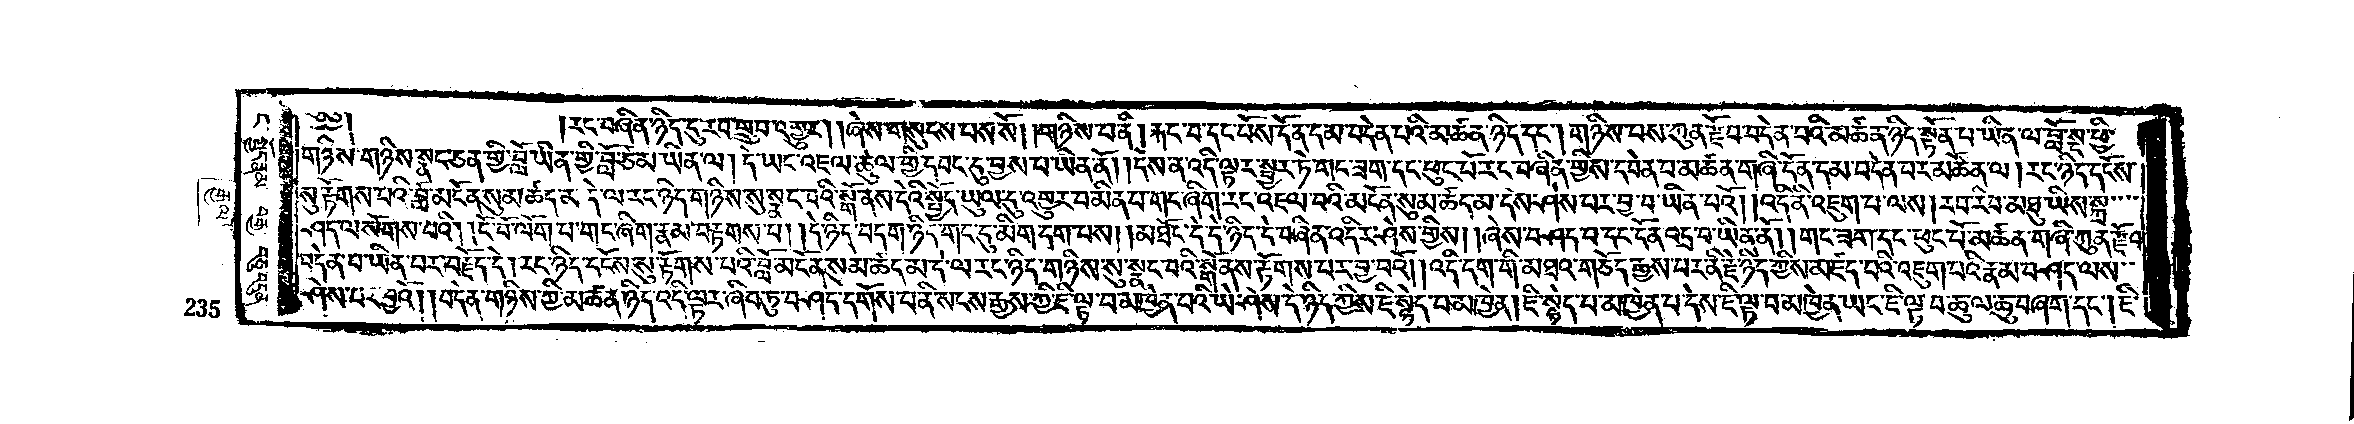༄༅། །རང་བཞིན་ཉིད་དུ་རབ་གྲུབ་འགྱུར། །ཞེས་གསུངས་པས་སོ། །གཉིས་པ་ནི། རྐང་པ་དང་པོས་དོན་དམ་བདེན་པའི་མཚན་ཉིད་དང་། གཉིས་པས་ཀུན་རྫོབ་བདེན་པའི་མཚན་ཉིད་སྟོན་པ་ཡིན་ལ་བློ་སྔ་ཕྱི་
གཉིས་གཉིས་སྣང་ཅན་གྱི་བློ་ཡིན་གྱི་བློ་ཙམ་ཡིན་ལ། དེ་ཡང་འཇལ་ཚུལ་གྱི་དབང་དུ་བྱས་པ་ཡིན་ནོ། །དེས་ན་འདི་ལྟར་སྦྱར་ཏེ་གང་ཟག་དང་ཕུང་པོ་རང་བཞིན་གྱིས་དབེན་པ་མཚན་གཞི་དོན་དམ་བདེན་པར་མཚོན་ལ། རང་ཉིད་དངོས་
སུ་རྟོགས་པའི་བློ་མངོན་སུམ་ཚད་མ་དེ་ལ་རང་ཉིད་གཉིས་སུ་སྣང་བའི་སྒོ་ནས་དེའི་སྤྱོད་ཡུལ་དུ་འགྱུར་བ་མིན་པ་གང་ཞིག་རང་འཇལ་བའི་མངོན་སུམ་ཚད་མ་དེས་ཤེས་པར་བྱ་བས་ཡིན་པའོ། །འདི་ནི་འཇུག་པ་ལས། རབ་རིབ་མཐུ་ཡིས་སྐྲ་
ཤད་ལ་སོགས་པའི། །ངོ་བོ་ལོག་པ་གང་ཞིག་རྣམ་བརྟགས་པ། །དེ་ཉིད་བདག་ཉིད་གང་དུ་མིག་དག་པས། །མཐོང་དེ་དེ་ཉིད་དེ་བཞིན་འདིར་ཤེས་གྱིས། །ཞེས་བཤད་པ་དང་དོན་འདྲ་བ་ཡིན་ནོ། །གང་ཟག་དང་ཕུང་པོ་མཚན་གཞི་ཀུན་རྫོབ་
བདེན་པ་ཡིན་པར་བརྗོད་དེ། རང་ཉིད་དངོས་སུ་རྟོགས་པའི་བློ་མངོན་སུམ་ཚད་མ་དེ་ལ་རང་ཉིད་གཉིས་སུ་སྣང་བའི་སྒོ་ནས་རྟོགས་པར་བྱ་བའོ། །འདི་དག་གི་མཐའ་གཅོད་པར་ནི་རྗེ་ཉིད་ཀྱིས་མཛད་པའི་འཇུག་པའི་རྣམ་བཤད་ལས་
ཤེས་པར་བྱའོ། །བདེན་གཉིས་ཀྱི་མཚན་ཉིད་འདི་ལྟར་ཞིབ་ཏུ་བཤད་དགོས་པ་ནི་སངས་རྒྱས་ཀྱི་ཇི་ལྟ་བ་མཁྱེན་པའི་ཡེ་ཤེས་དེ་ཉིད་ཀྱིས་ཇི་སྙེད་པ་མཁྱེན། ཇི་སྙེད་པ་མཁྱེན་པ་དེས་ཇི་ལྟ་བ་མཁྱེན་ཡང་ཇི་ལྟ་བ་ཆུ་ལ་ཆུ་བཞག་དང་། ཇི་